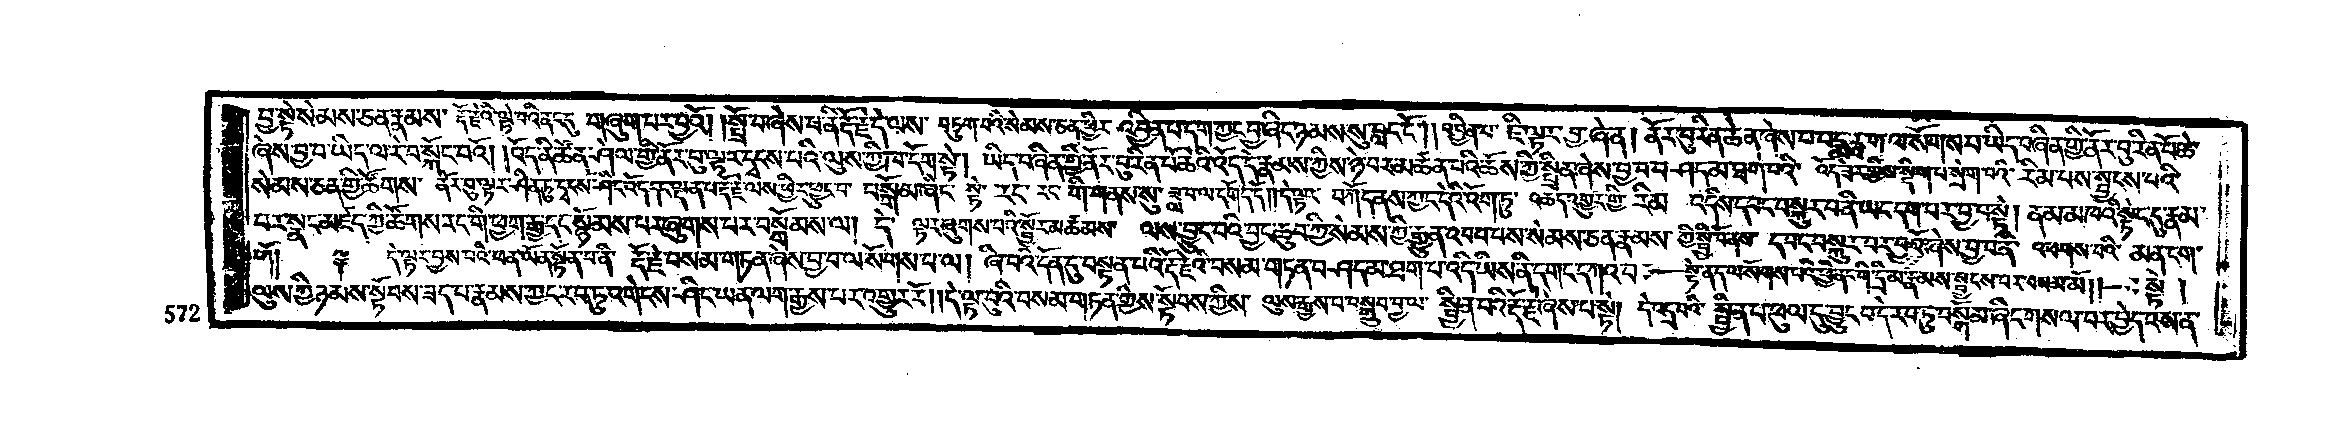བྱ་སྟེ་སེམས་ཅན་རྣམས་རྡོ་རྗེའི་ལྟེ་བའི་ནང་དུ་གཞུག་པར་བྱའོ། །སྤྲོ་བ་ཞེས་པ་ནི་རྡོ་རྗེ་དེ་ལས་བཅུག་པའི་སེམས་ཅན་ཕྱིར་འབྱིན་པ་དག་ཀྱང་བྱ་ཞིང་ཉམས་སུ་བླང་ངོ། །འབྱིན་པ་ཇི་ལྟར་བྱ་ཞེ་ན། ནོར་བུ་རིན་ཆེན་ཞེས་པ་པདམ་རཱ་ག་ལ་སོགས་པ་ཡིད་བཞིན་གྱི་ནོར་བུ་རིན་པོ་ཆེ་
ཞེས་བྱ་བ་ཡིད་ལ་རེ་བ་སྐོང་བའོ། །འོད་ནི་ཚོན་ཤེལ་གྱི་ནོར་བུ་ལྟར་དྭངས་པའི་ལུས་ཀྱི་ཁ་དོག་སྟེ། ཡིད་བཞིན་གྱི་ནོར་བུ་རིན་པོ་ཆེའི་འོད་དེ་རྣམས་ཀྱིས་ཉེ་བར་མཚན་པའི་ཆོས་ཀྱི་སྤྲིན་ཞེས་བྱ་བ་བཤད་མ་ཐག་པའི་འོད་ཟེར་གྱིས་སྡིག་པ་སྲེག་པའི་རིམ་པས་སྦྱངས་པའི་
སེམས་ཅན་གྱི་ཚོགས་ནོར་བུ་ལྟར་ཤིན་ཏུ་དྭངས་ཤིང་འོད་དང་ལྡན་པ་རྡོ་རྗེ་ལས་ཕྱིར་ཕྱུང་བ་བསྒོམ་ཞིང་སྟེ་རང་རང་གི་གནས་སུ་ཟླ་བ་ལ་དགོད་དོ། །དེ་ལྟར་བཀོད་ནས་ཀྱང་དེའི་འོག་ཏུ་འཆད་འགྱུར་གྱི་རིམ་འདིས་དབང་བསྐུར་བ་ནི་ཡང་དག་པར་བྱ་བ་སྟེ། ནམ་མཁའི་སྟེང་དུ་རྣམ་
པར་སྣང་མཛད་ཀྱི་ཚོགས་རང་གི་ཕྱག་རྒྱ་དང་སྙོམས་པར་ཞུགས་པར་བསྒོམས་ལ། དེ་ལྟར་ཞུགས་པའི་སྦྱོར་མཚམས་ལས་བྱུང་བའི་བྱང་ཆུབ་ཀྱི་སེམས་ཀྱི་རྒྱུན་འབབ་པས་སེམས་ཅན་རྣམས་ཀྱི་སྤྱི་བོ་ནས་དབང་བསྐུར་བར་བྱའོ་ཞེས་བྱ་བ་ནི་འཕགས་པའི་མན་ངག་
གོ ། ༈ དེ་ལྟར་བྱས་པའི་ཕན་ཡོན་སྟོན་པ་ནི་རྡོ་རྗེ་བསམ་གཏན་ཞེས་བྱ་བ་ལ་སོགས་པ་ལ། ཞི་བའི་དོན་དུ་བསྟན་པའི་རྡོ་རྗེའི་བསམ་གཏན་བཤད་མ་ཐག་པ་འདི་ཡིས་ནི་དགང་དཀའ་བ་སྟེ་ནད་ལ་སོགས་པའི་ཕྱི་ནང་གི་དྲི་མ་རྣམས་སྦྱངས་པར་བསམ་མོ།།  སྟེ།
ལུས་ཀྱི་ཉམས་སྟོབས་ཟད་པ་རྣམས་ཀྱང་རབ་ཏུ་འགེངས་ཤིང་ཡན་ལག་རྒྱས་པར་འགྱུར་རོ། །དེ་ལྟ་བུའི་བསམ་གཏན་གྱིས་སྟོབས་ཀྱིས་ལུས་རྒྱས་པ་བསྒྲུབ་བྱ་ལ་སྦྱིན་པའི་རྡོ་རྗེ་ཞེས་པ་སྟེ། དེ་འདྲ་བའི་སྦྱིན་པ་ཕུལ་དུ་བྱུང་བ་དེ་རབ་ཏུ་བསྒོམ་ཞིང་གསལ་བར་བྱེད་པས་ན་